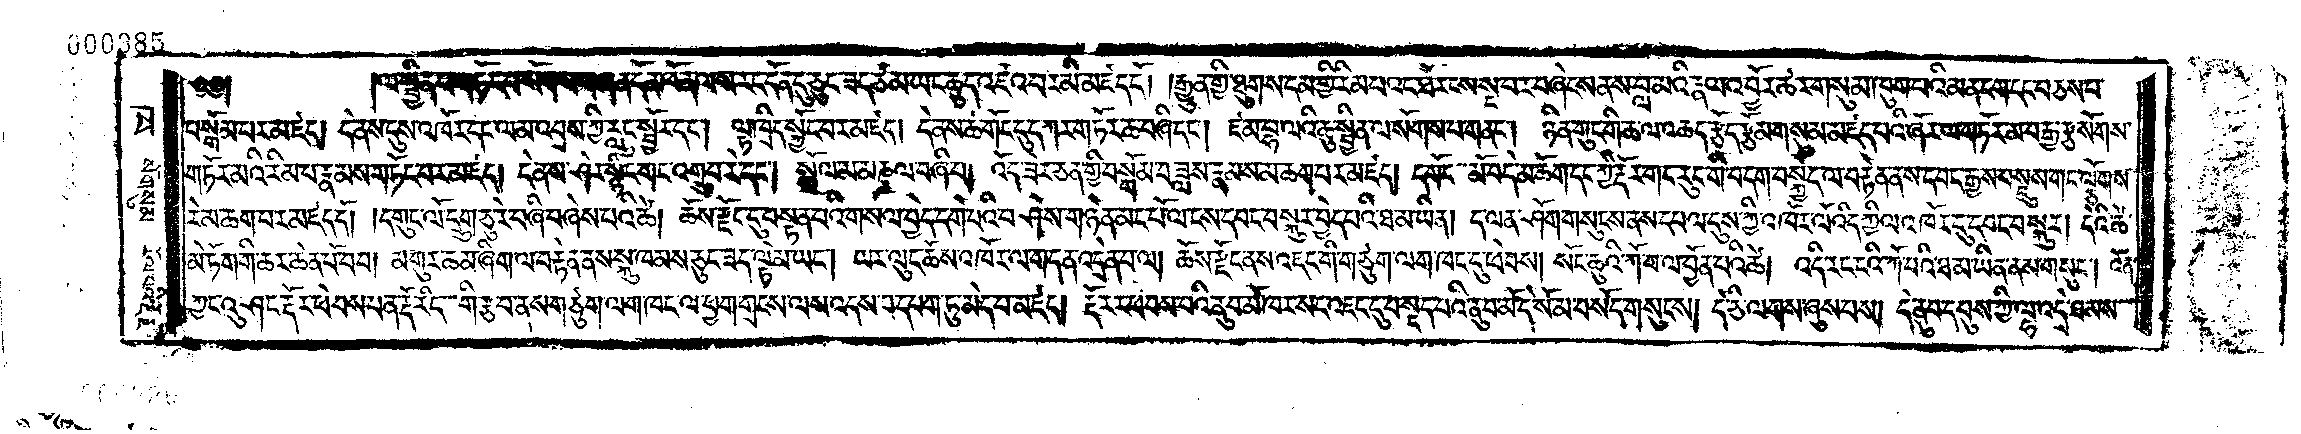༄༅། །ལ་སྦྱིན་པ་གཏོང་པ་སོགས་གཞན་དོན་ཁོ་ན་ལས་རང་དོན་དུ་ཅུང་ཟད་ཙམ་ཡང་ཆུད་འཛའ་བར་མི་མཛད་དོ། །རྒྱུན་གྱི་ཐུགས་དམ་གྱི་རིམ་པའང་ཐོ་རངས་སྔ་བར་བཞེངས་ནས་བླ་མའི་རྣལ་འབྱོར་ཚར་གསུམ་ཁུག་པའི་མན་ངག་དང་བཅས་པ་
བསྒོམ་པར་མཛད། དེ་ནས་དུས་འཁོར་དང་ལམ་འབྲས་ཀྱི་རླུང་སྦྱོར་དང་། ལྟ་ཁྲིད་སྐྱོང་བར་མཛད། དེ་ནས་ཚ་གོང་དུ་དཀར་གཏོར་ཆ་བཞི་དང་། ཛམ་བྷ་ལའི་ཆུ་སྦྱིན་ལ་སོགས་པ་གནང་། ཉིན་གུང་གི་ཆ་ལ་འཆད་རྩོད་རྩོམ་གསུམ་མཛད་པའི་ཞོར་ལ་གཏོར་མ་བརྒྱ་རྩ་སོགས་
གཏོར་མའི་རིམ་པ་རྣམས་གཏོང་བར་མཛད། དེ་ནས་ཤེར་སྙིང་གང་འགྲུབ་རེ་དང་། སྒྲོལ་མ་མཎྜལ་བཞི་པ། འོད་ཟེར་ཅན་གྱི་བསྒོམ་བཟླས་རྣམས་མ་ཆག་པར་མཛད། དགོང་མོ་བདེ་མཆོག་དང་ཀྱཻ་རྡོར་གང་རུང་གི་བདག་བསྐྱེད་ལ་བརྟེན་ནས་དབང་རྒྱས་བསྡུས་གང་ལྕོགས་
རེ་མ་ཆག་བར་མཛད་དོ། །དགུང་ལོ་དྲུག་ཅུ་རེ་བཞི་བཞེས་པའི་ཚེ། ཆོས་རྫོང་དུ་བསྟན་པའི་གསལ་བྱེད་དགེ་པའི་བཤེས་གཉེན་མང་པོ་ལ་ངས་དབང་བསྐུར་བྱེད་པའི་ཐ་མ་ཡིན། ད་ལན་ཤོག་གསུངས་ནས་དཔལ་དུས་ཀྱི་འཁོར་ལོའི་དཀྱིལ་འཁོར་དུ་དབང་བསྐུར། དེའི་ཚེ་
མེ་ཏོག་གི་ཆར་ཆེན་པོ་བབ། མགུར་ཆམ་ཞིག་ལ་བརྟེན་ནས་སྐུ་ཁམས་ཅུང་ཟད་ལྟེམ་ཡང་། ཡར་ལུང་ཆོས་འཁོར་ལ་གདན་འདྲེན་པ་ལ། ཆོས་རྫོང་ནས་འཇང་ནས་འཇང་གི་གཙུག་ལག་ཁང་དུ་ཕེབས། སོང་ཆུའི་ཀོ་བ་ལ་བྱོན་པའི་ཚེ། འདི་རང་ངའི་ཀོ་པའི་ཐ་མ་ཡིན་ནམ་གསུང་། འོན་
ཀྱང་འུ་ཤང་རྡོར་ཕེབས་པ་ན་རྡོ་རིང་གི་རྩ་བ་ནས་གཙུག་ལག་ཁང་ལ་ཕྱག་གྲངས་ལས་འདས་པ་དཔག་ཏུ་མེད་པ་མཛད། རྡོ་རར་ཕེབས་པའི་ནུབ་མོ་ཁར་སང་འཇང་དུ་བསྡད་པའི་ནུབ་མོ་དེ་སོ་མ་བསོད་གསུངས། དེ་ཅི་ལགས་ཞུས་པས། དེ་ནུབ་དབུས་ཀྱི་ལྷ་འདྲེ་ཐམས་